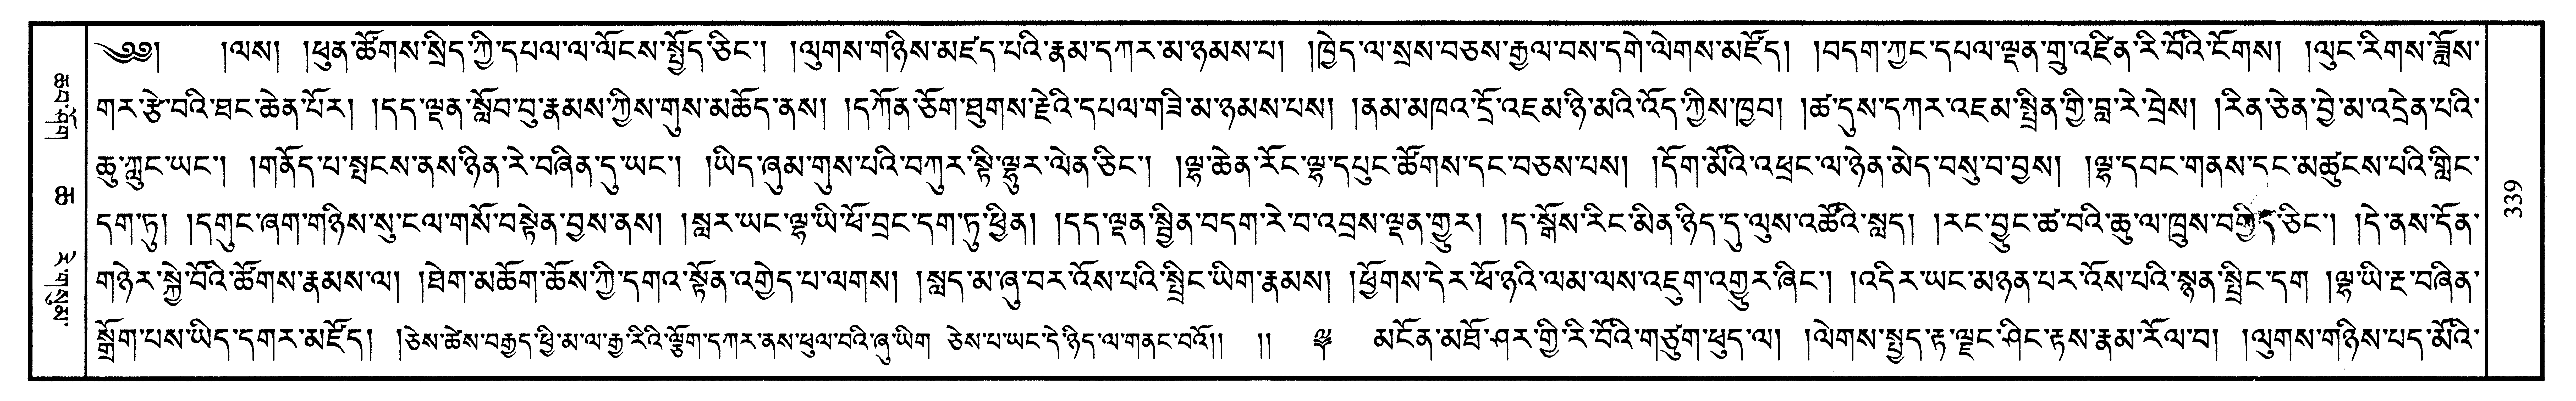༄༅། །ལས། །ཕུན་ཚོགས་སྲིད་ཀྱི་དཔལ་ལ་ལོངས་སྤྱོད་ཅིང་། །ལུགས་གཉིས་མཛད་པའི་རྣམ་དཀར་མ་ཉམས་པ། །ཁྱེད་ལ་སྲས་བཅས་རྒྱལ་བས་དགེ་ལེགས་མཛོད། །བདག་ཀྱང་དཔལ་ལྡན་གྲུ་འཛིན་རི་བོའི་ངོགས། །ལུང་རིགས་ཟློས་
གར་རྩེ་བའི་ཐང་ཆེན་པོར། །དད་ལྡན་སློབ་བུ་རྣམས་ཀྱིས་གུས་མཆོད་ནས། །དཀོན་ཅོག་ཐུགས་རྗེའི་དཔལ་གཟི་མ་ཉམས་པས། །ནམ་མཁའ་དྲོ་འཇམ་ཉི་མའི་འོད་ཀྱིས་ཁྱབ། །ཚ་དུས་དཀར་འཇམ་སྤྲིན་གྱི་བླ་རེ་བྲེས། །རིན་ཅེན་བྱེ་མ་འདྲེན་པའི་
ཆུ་ཀླུང་ཡང་། །གནོད་པ་སྤངས་ནས་ཉིན་རེ་བཞིན་དུ་ཡང་། །ཡིད་ཞུམ་གུས་པའི་བཀུར་སྟི་ལྷུར་ལེན་ཅིང་། །ལྷ་ཆེན་རོང་ལྷ་དཔུང་ཚོགས་དང་བཅས་པས། །དོག་མོའི་འཕྲང་ལ་ཉེན་མེད་བསུ་བ་བྱས། །ལྷ་དབང་གནས་དང་མཚུངས་པའི་གླིང་
དག་ཏུ། །དགུང་ཞག་གཉིས་སུ་ངལ་གསོ་བསྟེན་བྱས་ནས། །སླར་ཡང་ལྷ་ཡི་ཕོ་བྲང་དག་ཏུ་ཕྱིན། །དད་ལྡན་སྦྱིན་བདག་རེ་བ་འབྲས་ལྡན་གྱུར། །ད་སྒོས་རིང་མིན་ཉིད་དུ་ལུས་འཚོའི་སླད། །རང་བྱུང་ཚ་བའི་ཆུ་ལ་ཁྲུས་བགྱིད་ཅིང་། །དེ་ནས་དོན་
གཉེར་སྐྱེ་བོའི་ཚོགས་རྣམས་ལ། །ཐེག་མཆོག་ཆོས་ཀྱི་དགའ་སྟོན་འགྱེད་པ་ལགས། །སླད་མ་ཞུ་བར་འོས་པའི་སྤྲིང་ཡིག་རྣམས། །ཕྱོགས་དེར་ཕོ་ཉའི་ལམ་ལས་འཇུག་འགྱུར་ཞིང་། །འདིར་ཡང་མཉན་པར་འོས་པའི་སྙན་སྤྲིང་དག །ལྷ་ཡི་རྔ་བཞིན་
སྒྲོག་པས་ཡིད་དགར་མཛོད། །ཅེས་ཚེས་བརྒྱད་ཕྱི་མ་ལ་རྒྱ་རིའི་ལྕོག་དཀར་ནས་ཕུལ་བའི་ཞུ་ཡིག་ཅེས་པ་ཡང་དེ་ཉིད་ལ་གནང་བའོ།། །། ༈ མངོན་མཐོ་ཤར་གྱི་རི་བོའི་གཙུག་ཕུད་ལ། །ལེགས་སྤྱད་རྟ་ལྗང་ཤིང་རྟས་རྣམ་རོལ་བ། །ལུགས་གཉིས་པད་མོའི་